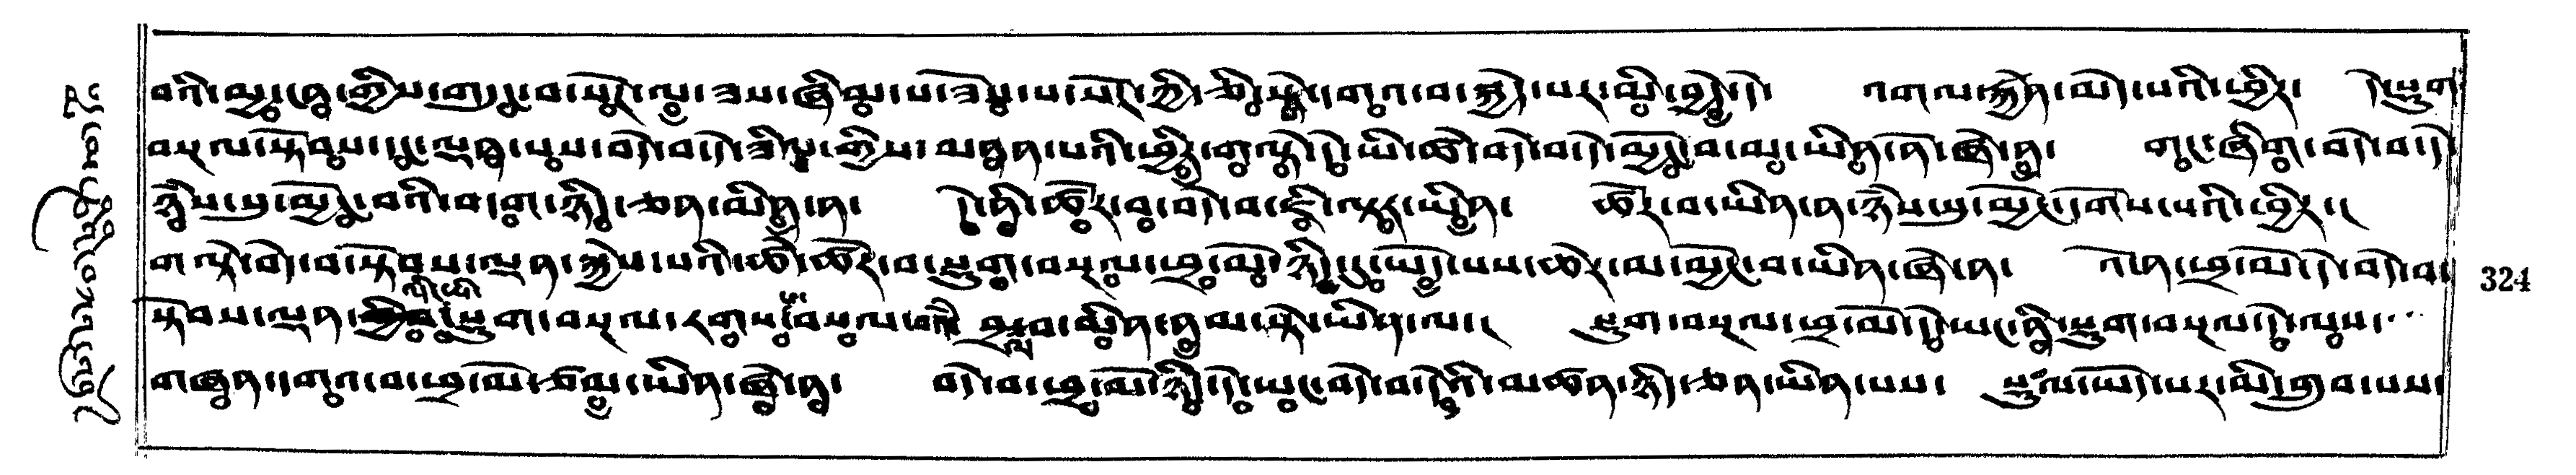བའི་མྱ་ངན་གྱིས་གདུང་བ་སོགས་ལ་ཟས་ཞིམ་པ་ཟོས་པ་སོགས་ཀྱིས་ཅི་སྟེ་དགའ་བ་སྐྱེད་པར་མི་བྱེད་དེ། འགལ་རྐྱེན་མེད་པའི་ཕྱིར། དེ་སྡུག་
བསྔལ་སྟོབས་དང་ལྡན་པས་བདེ་བ་དེ་ཟིལ་གྱིས་མནན་པའི་ཕྱིར་གལ་ཏེ་དེ་ཡི་ཚེ་བདེ་བ་དེ་མྱོང་བ་མ་ཡིན་ནོ་ཞེ་ན། གང་ཞིག་བདེ་བ་དེ་
ཉམས་སུ་མྱོང་བའི་བདག་ཉིད་ཅན་མིན་ན། དེ་ནི་ཚོར་བ་བདེ་བ་ཇི་ལྟར་ཡིན། ཚོར་བ་ཡིན་ན་ཉམས་སུ་མྱོང་དགོས་པའི་ཕྱིར། 
གལ་ཏེ་བདེ་བ་སྟོབས་ལྡན་སྐྱེས་པའི་ཚེ་ཚོར་བ་སྡུག་བསྔལ་ཕྲ་མོ་ཉིད་དུ་ཡོད་པས་ཆེར་མ་མྱོང་བ་ཡིན་ཞེ་ན། འོ་ན་ཕྲ་མོ་དེ་བདེ་བ་
སྟོབས་ལྡན་འདི་ཡི་སྡུག་བསྔལ་རགས་པ་བསལ་བའམ་བྲལ་བ་མིན་ནམ་སྟེ་ཡིན་ལ། སྡུག་བསྔལ་ཕྲ་མོ་དེ་ཡང་ནི་སྡུག་བསྔལ་དེ་ལས་
གཞན་དགའ་བ་ཕྲ་མོ་ཙམ་ཡིན་ཞེ་ན། བདེ་བ་ཕྲ་མོ་ཉིད་དེ་ཡང་བདེ་བ་དེའི་མཚན་ཉིད་ཅན་ཡིན་པས། སྡུག་བསྔལ་ཡོད་པར་མི་གྲུབ་པས་